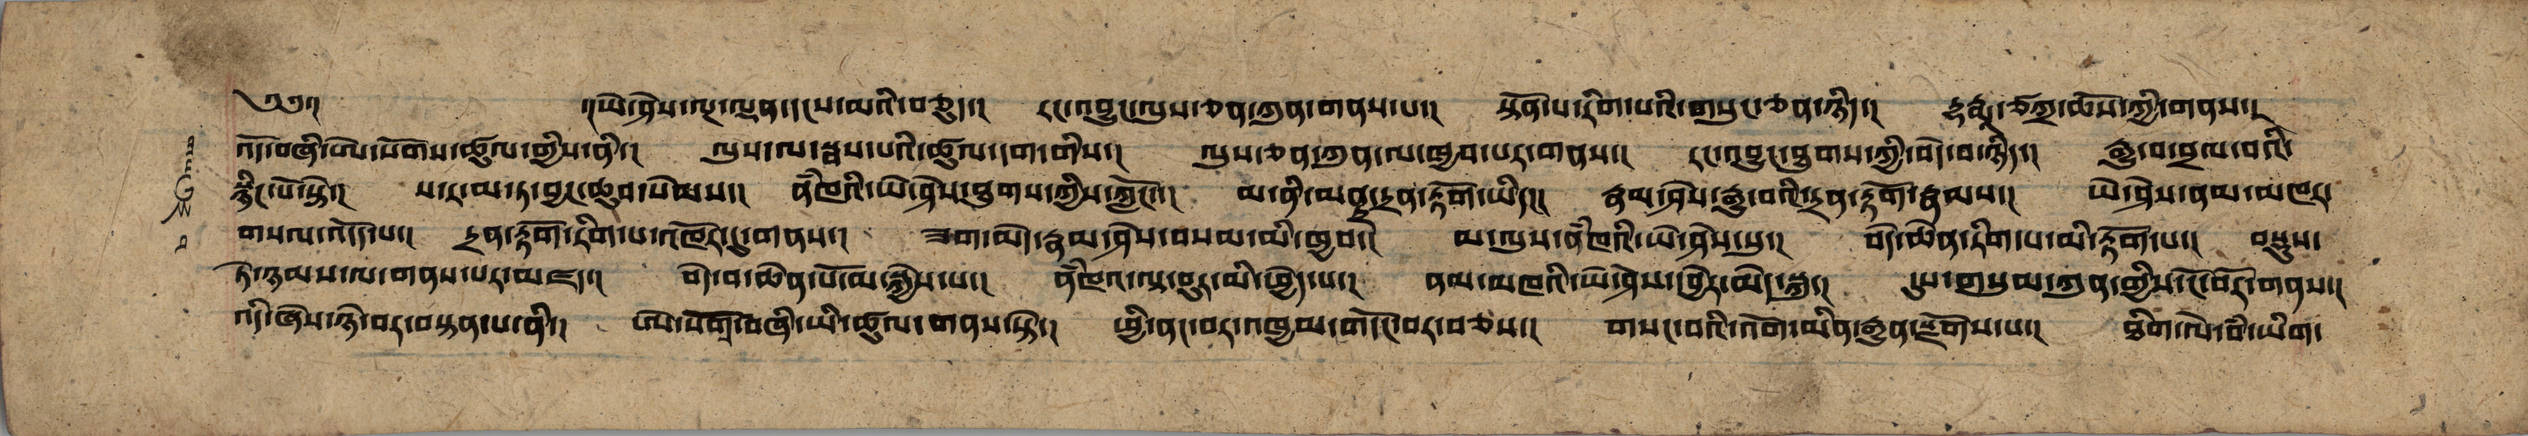༄༅་། ་།ཡེ་ཤེས་ལྔ་ལྡན་དངས་མའི་བཅུད་། རང་བྱུང་ལུས་ཅན་ཀུན་གནས་པ་། སྟོན་པ་རིག་པའི་གསུང་ཅན་ཉིད་། རྡརྨཱ་ཙཀྲ་ཆོས་ཀྱི་གནས་།
འོད་བཞི་ཨེ་སོགས་ཚུལ་གྱིས་ནི་། ལུས་ལ་སྦས་པའི་ཚུལ་དག་གིས་། ལུས་ཅན་ཀུན་ལ་ཁྱབ་པར་གནས་། རང་འབྱུང་ཐུགས་ཀྱི་བདེ་བ་ཉིད་། རྒྱུ་བ་བྲལ་བའི་
སྙིང་པོ་སྟེ་། ས་ར་མ་ཏ་བྱང་ཆུབ་སེམས་། ནཾཁའི་ཡེ་ཤེས་ཐུགས་ཀྱིས་ཀློང་་། མ་ནི་མནྟྲ་དྲན་རྟོག་ཡིད།།། རྣམ་ཤེས་རྒྱུ་བའི་དྲན་རྟོག་རྣམས་། ཡེ་ཤེས་ནམ་མཁར་
གསལ་འདོད་པ་། དྲན་རྟོག་རིག་པ་འཁོར་དུ་གནས་། ཟག་མེད་རྣམ་ཤེས་བསམ་མི་ཁྱབ་། མ་ལུས་ནཾཁའི་ཡེ་ཤེས་སུ་། བདེ་ཆེན་རིག་པ་མི་རྟོག་པ་། བསྡུས་
ཏེ་ཉམས་ལ་གནས་པར་མཛད་། བདེ་བ་ཆེན་པོ་མ་སྐྱེས་པ་། ནཾཁའ་ལྟ་བུར་མི་བྱེད་པ་། ནམ་མཁའི་ཡེ་ཤེས་དབྱེར་མེད་སྐུ་། དུས་གསུམ་ཀུན་གྱིས་ངོ་བོར་གནས་།
འདི་ཞེས་ཉེ་བར་བསྟན་པ་ནི་། ཨེ་སོགས་བཞི་ཡི་ཚུལ་གནས་སྟེ་། ཕྱི་ནང་བར་འཁྱམ་གདོང་བར་བཅས་། གསང་བའི་འོག་མིན་རྒྱུན་སྫོགས་པ་། ཐིག་ལེ་བཾ་ཡིག་